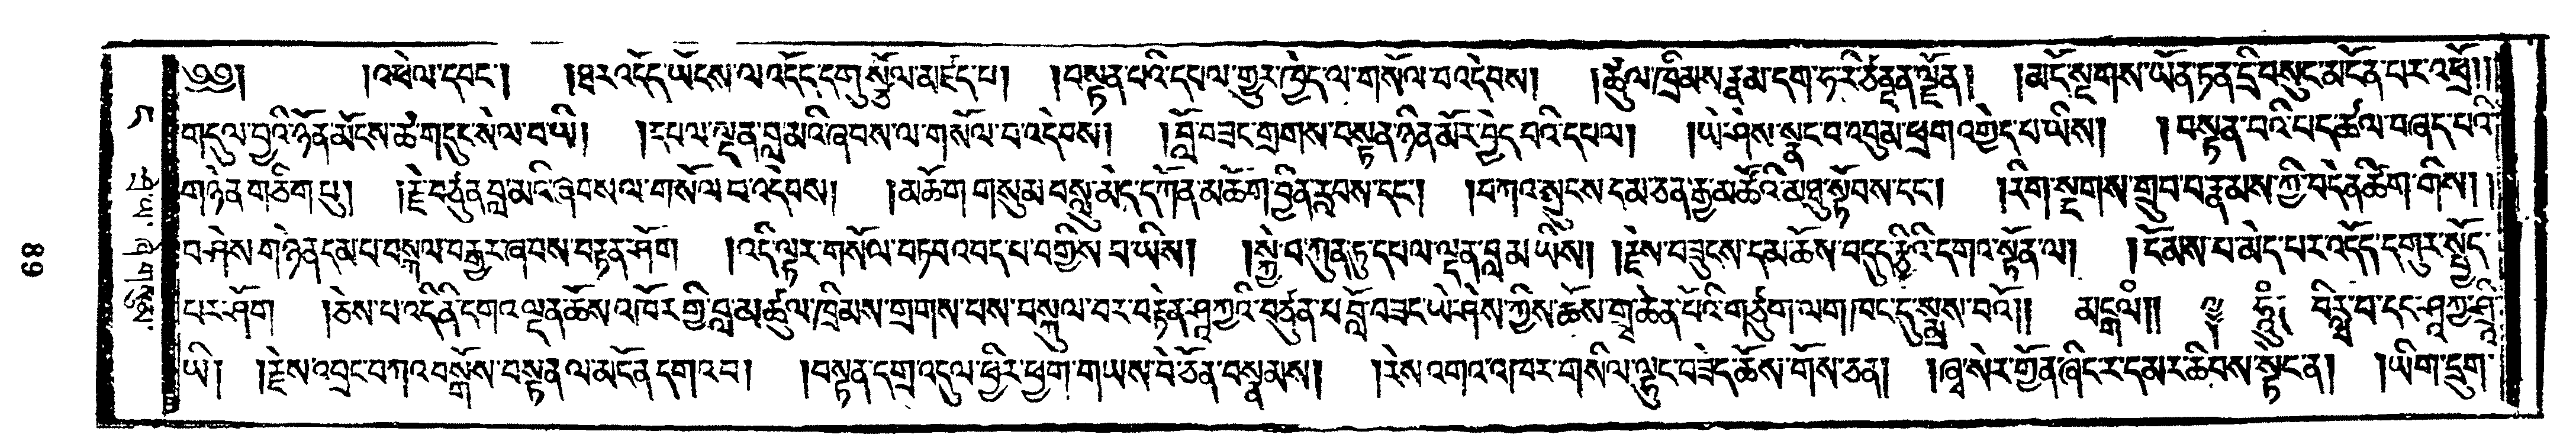༄༅། །འཕེལ་དབང་། །ཐར་འདོད་ཡོངས་ལ་འདོད་དགུ་སྩོལ་མཛད་པ། །བསྟན་པའི་དཔལ་གྱུར་ཁྱེད་ལ་གསོལ་བ་འདེབས། །ཚུལ་ཁྲིམས་རྣམ་དག་ཧ་རི་ཙནྡན་ལྗོན། །མདོ་སྔགས་ཡོན་ཏན་དྲི་བསུང་མངོན་པར་འཕྲོ།།
གདུལ་བྱའི་ཉོན་མོངས་ཚ་གདུང་སེལ་བ་ཡི། །དཔལ་ལྡན་བླ་མའི་ཞབས་ལ་གསོལ་བ་འདེབས། །བློ་བཟང་གྲགས་བསྟན་ཉིན་མོར་བྱེད་པའི་དཔལ། །ཡེ་ཤེས་སྣང་བ་འབུམ་ཕྲག་འགྱེད་པ་ཡིས། །བསྟན་པའི་པད་ཚལ་བཞད་པའི་
གཉེན་གཅིག་པུ། །རྗེ་བཙུན་བླ་མའི་ཞབས་ལ་གསོལ་བ་འདེབས། །མཆོག་གསུམ་བསླུ་མེད་དཀོན་མཆོག་བྱིན་རླབས་དང་། །བཀའ་སྲུངས་དམ་ཅན་རྒྱ་མཚོའི་མཐུ་སྟོབས་དང་། །རིག་སྔགས་གྲུབ་པ་རྣམས་ཀྱི་བདེན་ཚིག་གིས།།
བཤེས་གཉེན་དམ་པ་བསྐལ་བརྒྱར་ཞབས་བརྟན་ཤོག །འདི་ལྟར་གསོལ་བཏབ་འབད་པ་བགྱིས་པ་ཡིས། །སྐྱེ་བ་ཀུན་ཏུ་དཔལ་ལྡན་བླ་མ་ཡིས། །རྗེས་བཟུངས་དམ་ཆོས་བདུད་རྩིའི་དགའ་སྟོན་ལ། །ངོམས་པ་མེད་པར་འདོད་དགུར་སྤྱོད་
པར་ཤོག། །ཅེས་པ་འདི་ནི་དགའ་ལྡན་ཆོས་འཁོར་གྱི་བླ་མ་ཚུལ་ཁྲིམས་གྲགས་པས་བསྐུལ་བར་བརྟེན་ཤའྐྱའི་བཙུན་པ་བློ་བཟང་ཡེ་ཤེས་ཀྱིས་ཆོས་གྲྭ་ཆེན་པོའི་གཙུག་ལག་ཁང་དུ་སྨྲས་པའོ།། མངྒལཾ།། ༈ ཧཱུཾ༑ བིརྭ་པ་དང་ཤཱཀྱ་ཤྲཱི་
ཡི། །རྗེས་འབྲང་བཀའ་བསྒོས་བསྟན་ལ་མངོན་དགའ་བ། །བསྟན་དགྲ་འདུལ་ཕྱིར་ཕྱག་གཡས་བེ་ཅོན་བསྣམས། །རེས་འགའ་འཁར་གསིལ་ལྷུང་བཟེད་ཆོས་གོས་ཅན། །ཞྭ་སེར་གྱོན་ཞིང་ར་དམར་ཆིབས་སྟེང་ན། །ཡིག་དྲུག་